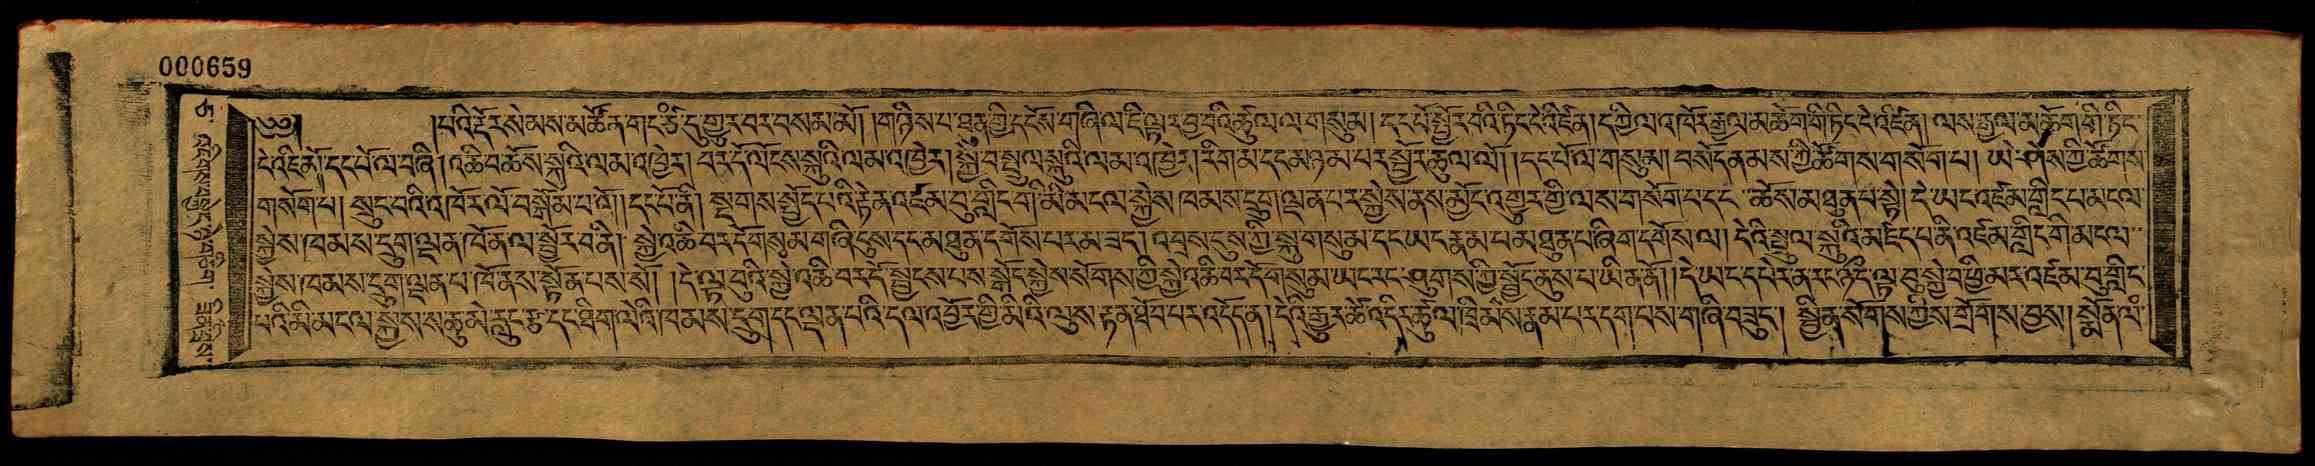༄༅། །པའི་རྡོར་སེམས་མཚོན་གང་ཙཾ་དུ་གྱུར་པར་བསམ་མོ། །གཉིས་པ་ཐུན་གྱི་དངོས་གཞི་ལ་ཇི་ལྟར་བྱ་བའི་ཚུལ་ལ་གསུམ། དང་པོ་སྦྱོར་བའི་ཏིང་ངེ་འཛིན། དཀྱིལ་འཁོར་རྒྱལ་མཆོག་གི་ཏིང་ངེ་འཛིན། ལས་རྒྱལ་མཆོག་གི་ཏིང་
ངེ་འཛིན་ནོ། དང་པོ་ལ་བཞི། འཆི་བ་ཆོས་སྐུའི་ལམ་འཁྱེར། བར་དོ་ལོངས་སྐུའི་ལམ་འཁྱེར། སྐྱེ་བ་སྤྲུལ་སྐུའི་ལམ་འཁྱེར། རིག་མ་དང་མཉམ་པར་སྦྱོར་ཚུལ་ལོ། །དང་པོ་ལ་གསུམ། བསོད་ནམས་ཀྱི་ཚོགས་གསོག་པ། ཡེ་ཤེས་ཀྱི་ཚོགས་
གསོག་པ། སྲུང་བའི་འཁོར་ལོ་བསྒོམ་པའོ། །དང་པོ་ནི། སྔགས་སྤྱོད་པའི་རྟེན་འཛམ་བུ་གླིང་གི་མི་མངལ་སྐྱེས་ཁམས་དྲུག་ལྡན་པར་སྐྱེས་ནས་མྱོང་འགྱུར་གྱི་ལས་གསོག་པ་དང་ཆོས་མཐུན་པ་སྟེ། དེ་ཡང་འཛམ་གླིང་པ་མངལ་
སྐྱེས་ཁམས་དྲུག་ལྡན་ཁོ་ན་ལ་སྦྱོར་བ་ནི། སྐྱེ་འཆི་བར་དོ་གསུམ་གཞི་དུས་དང་མཐུན་དགོས་པར་མ་ཟད། འབྲས་དུས་ཀྱི་སྐུ་གསུམ་དང་ཡང་རྣམ་པ་མཐུན་པ་ཞིག་དགོས་ལ། དེའི་སྤྲུལ་སྐུའི་མཛད་པ་ནི་འཛམ་གླིང་གི་མངལ་
སྐྱེས་ཁམས་དྲུག་ལྡན་པ་ཁོ་ནས་སྟོན་པས་སོ། །དེ་ལྟ་བུའི་སྐྱེ་འཆི་བར་དོ་སྦྱངས་པས་སྒོང་སྐྱེས་སོགས་ཀྱི་སྐྱེ་འཆི་བར་དོ་གསུམ་ཡང་རང་ཤུགས་ཀྱི་སྦྱོང་ནུས་པ་ཡིན་ནོ། །དེ་ཡང་དཔེར་ན་རང་ཉིད་ལྟ་བུ་སྐྱེ་བ་ཕྱི་མར་འཛམ་བུ་གླིང་
པའི་མི་མངལ་སྐྱེས་ས་ཆུ་མེ་རླུང་རྩ་དང་ཐིག་ལེའི་ཁམས་དྲུག་དང་ལྡན་པའི་དལ་འབྱོར་གྱི་མིའི་ལུས་རྟེན་ཐོབ་པར་འདོད་ན། དེའི་རྒྱུར་ཚེ་འདིར་ཚུལ་ཁྲིམས་རྣམ་པར་དག་པས་གཞི་བཟུང་། སྦྱིན་སོགས་ཀྱིས་གྲོགས་བྱས། སྨོན་ལཾ་